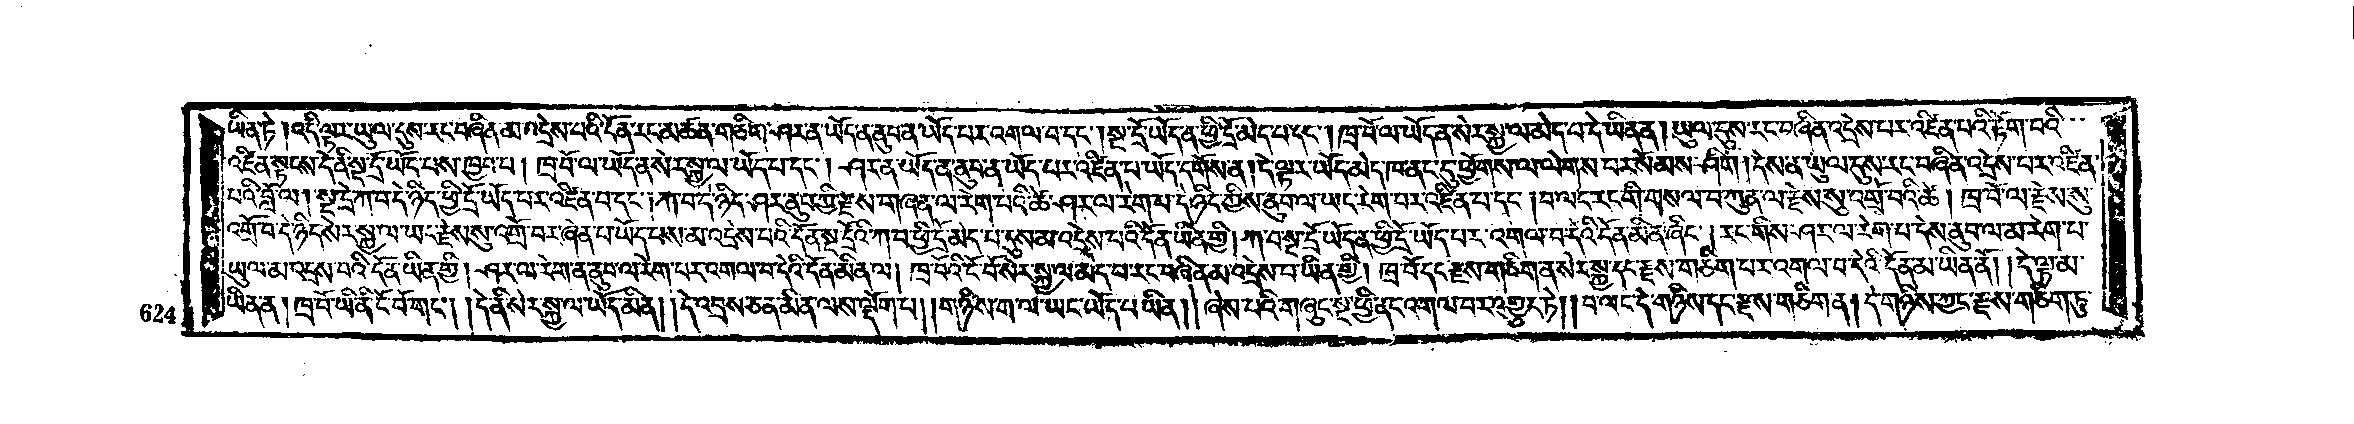ཡིན་ཏེ། འདི་ལྟར་ཡུལ་དུས་རང་བཞིན་མ་འདྲེས་པའི་དོན་རང་མཚན་གཅིག་ཤར་ན་ཡོད་ན་ནུབ་ན་ཡོད་པར་འགལ་བ་དང་། སྔ་དྲོ་ཡོད་ན་ཕྱི་དྲོ་མེད་པ་དང་། ཁྲ་བོ་ལ་ཡོད་ན་སེར་སྐྱེ་ལ་མེད་པ་དེ་ཡིན་ན། ཡུལ་དུས་རང་བཞིན་འདྲེས་པར་འཛིན་པའི་རྟོག་པའི་
འཛིན་སྟངས་དེ་ནི་སྔ་དྲོ་ཡོད་པས་ཁྱབ་པ། ཁྲ་བོ་ལ་ཡོད་ན་སེར་སྐྱ་ལ་ཡོད་པ་དང་། ཤར་ན་ཡོད་ན་ནུབ་ན་ཡོད་པར་འཛིན་པ་ཡོད་དགོས་ན། དེ་ལྟར་ཡོད་མེད་ཁ་ནང་དུ་ཕྱོགས་ལ་ལེགས་པར་སྒོམས་ཤིག །དེས་ན་ཡུལ་དུས་རང་བཞིན་འདྲེས་པར་འཛིན་
པའི་བློ་ལ། སྔ་དྲོ་ཀ་བ་དེ་ཉིད་ཕྱི་དྲོ་ཡོད་པར་འཛིན་པ་དང་། ཀ་བ་དེ་ཉིད་ཤར་ནུབ་ཀྱི་རྫས་གཞན་ལ་རེག་པའི་ཚེ་ཤར་ལ་རེག་པ་དེ་ཉིད་ཀྱིས་ནུབ་ལ་ཡང་རེག་པར་འཛིན་པ་དང་། བ་ལང་རང་གི་གསལ་བ་ཀུན་ལ་རྗེས་སུ་འགྲོ་བའི་ཚེ། ཁྲ་བོ་ལ་རྗེས་སུ་
འགྲོ་བ་དེ་ཉིད་སེར་སྐྱ་ལ་ཡང་རྗེས་སུ་འགྲོ་བར་ཞེན་པ་ཡོད་པས་མ་འདྲེས་པའི་དོན་སྔ་དྲོ་འི་ཀ་བ་ཕྱི་དྲོ་མེད་པ་དུས་མ་འདྲེས་པའི་དོན་ཡིན་གྱི། ཀ་བ་སྔ་ཡོད་ན་ཕྱི་དྲོ་ཡོད་པར་འགལ་བ་དེའི་དོན་མིན་ཞིང་། རང་གིས་ཤར་ལ་རེག་པ་དེས་ནུབ་ལ་མ་རེག་པ་
ཡུལ་མ་འདྲེས་པའི་དོན་ཡིན་གྱི། ཤར་ལ་རེག་ན་ནུབ་ལ་རེག་པར་འགལ་བ་དེའི་དོན་མིན་ལ། ཁྲ་བོའི་ངོ་བོ་སེར་སྐྱ་ལ་མེད་པ་རང་བཞིན་མ་འདྲེས་པ་ཡིན་གྱི། ཁྲ་བོ་དང་རྫས་གཅིག་ན་སེར་སྐྱེ་དང་རྫས་གཅིག་པར་འགལ་བ་དེའི་དོན་མ་ཡིན་ནོ། །དེ་ལྟ་མ་
ཡིན་ན། ཁྲ་བོ་ཡིན་ན་ངོ་བོ་གང་། །དེ་ནི་སེར་སྐྱ་ལ་ཡོད་མིན། །དེ་འབྲས་ཅན་མིན་ལས་ལྡོག་པ། །གཉིས་ཀ་ལ་ཡང་ཡོད་པ་ཡིན། །ཞེས་པའི་གཞུང་སྔ་ཕྱི་ནང་འགལ་བར་འགྱུར་ཏེ། བ་ལང་དེ་གཉིས་དང་རྫས་གཅིག་ན། དེ་གཉིས་ཀྱང་རྫས་གཅིག་ཏུ་